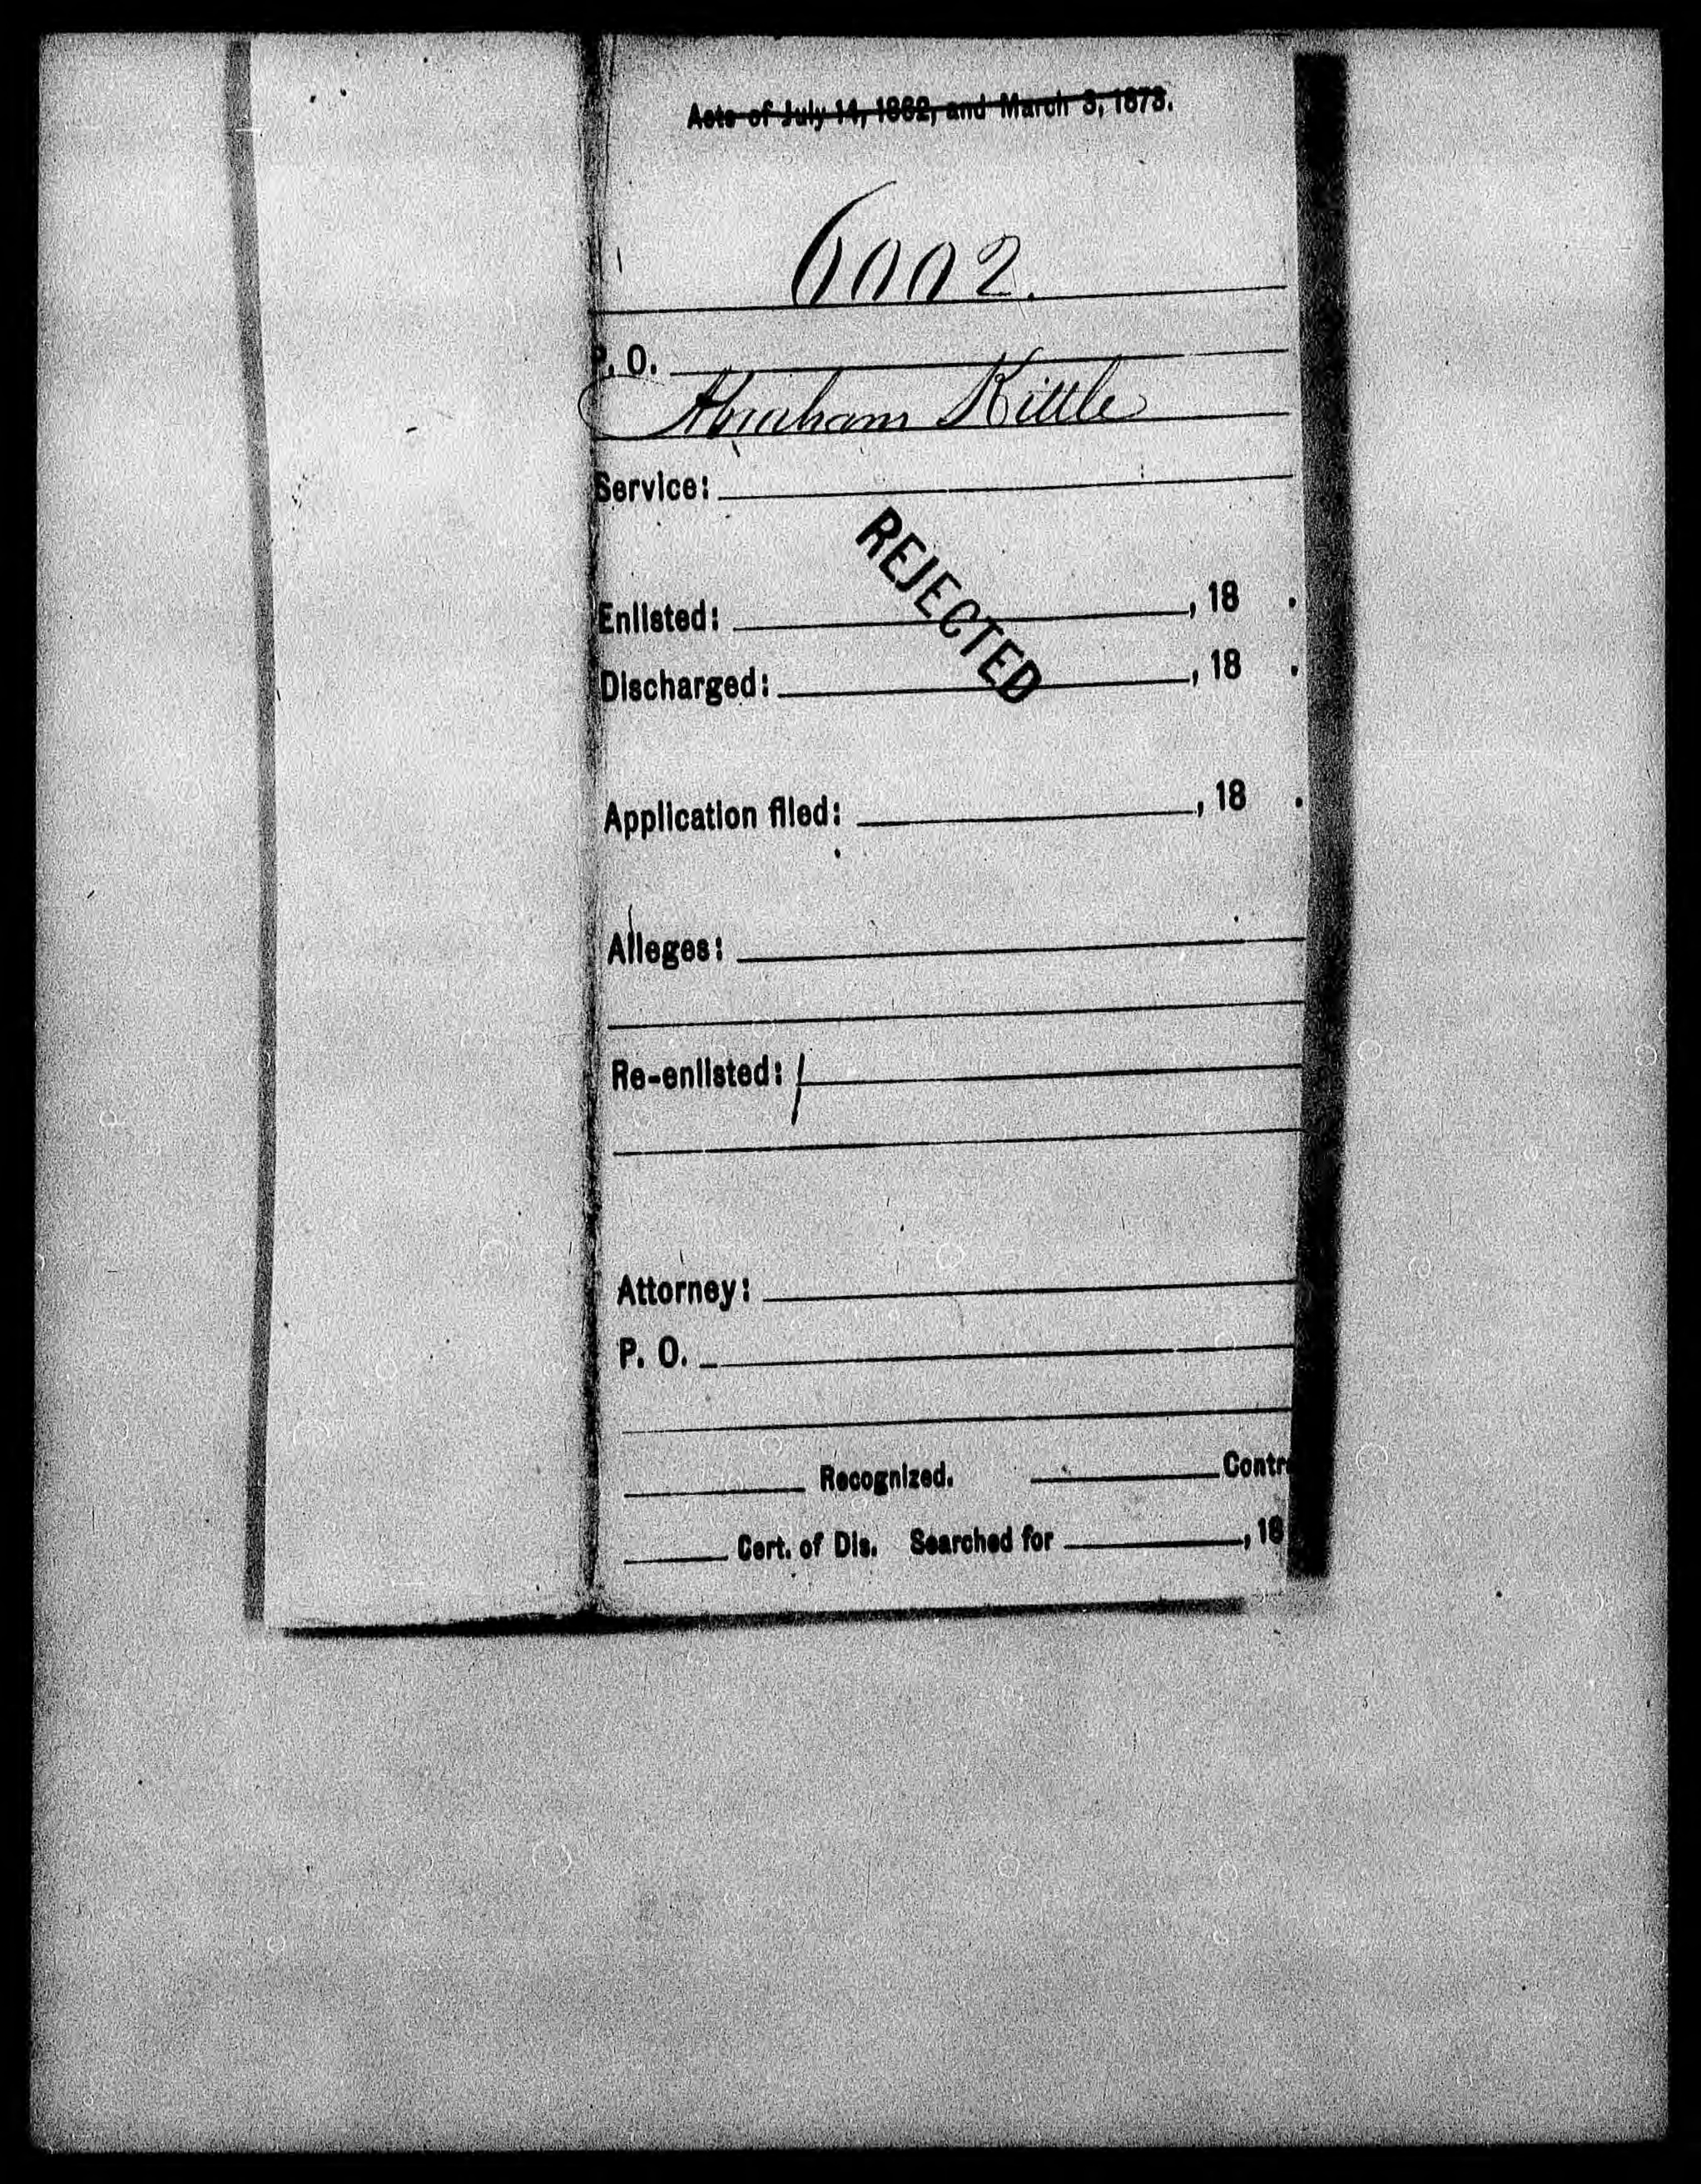6002
Abraham Kittle
Service:
Enlisted Discharged: REJECTED
Application filed:
Alleges:
Re-enlisted:
Attorney:
P.O.
Recognized:
Control:
Cert. of Dis.
Searched for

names: Abraham Kittle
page: 11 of 18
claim: rejected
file: R. 6002, for Abraham Kittle, New York